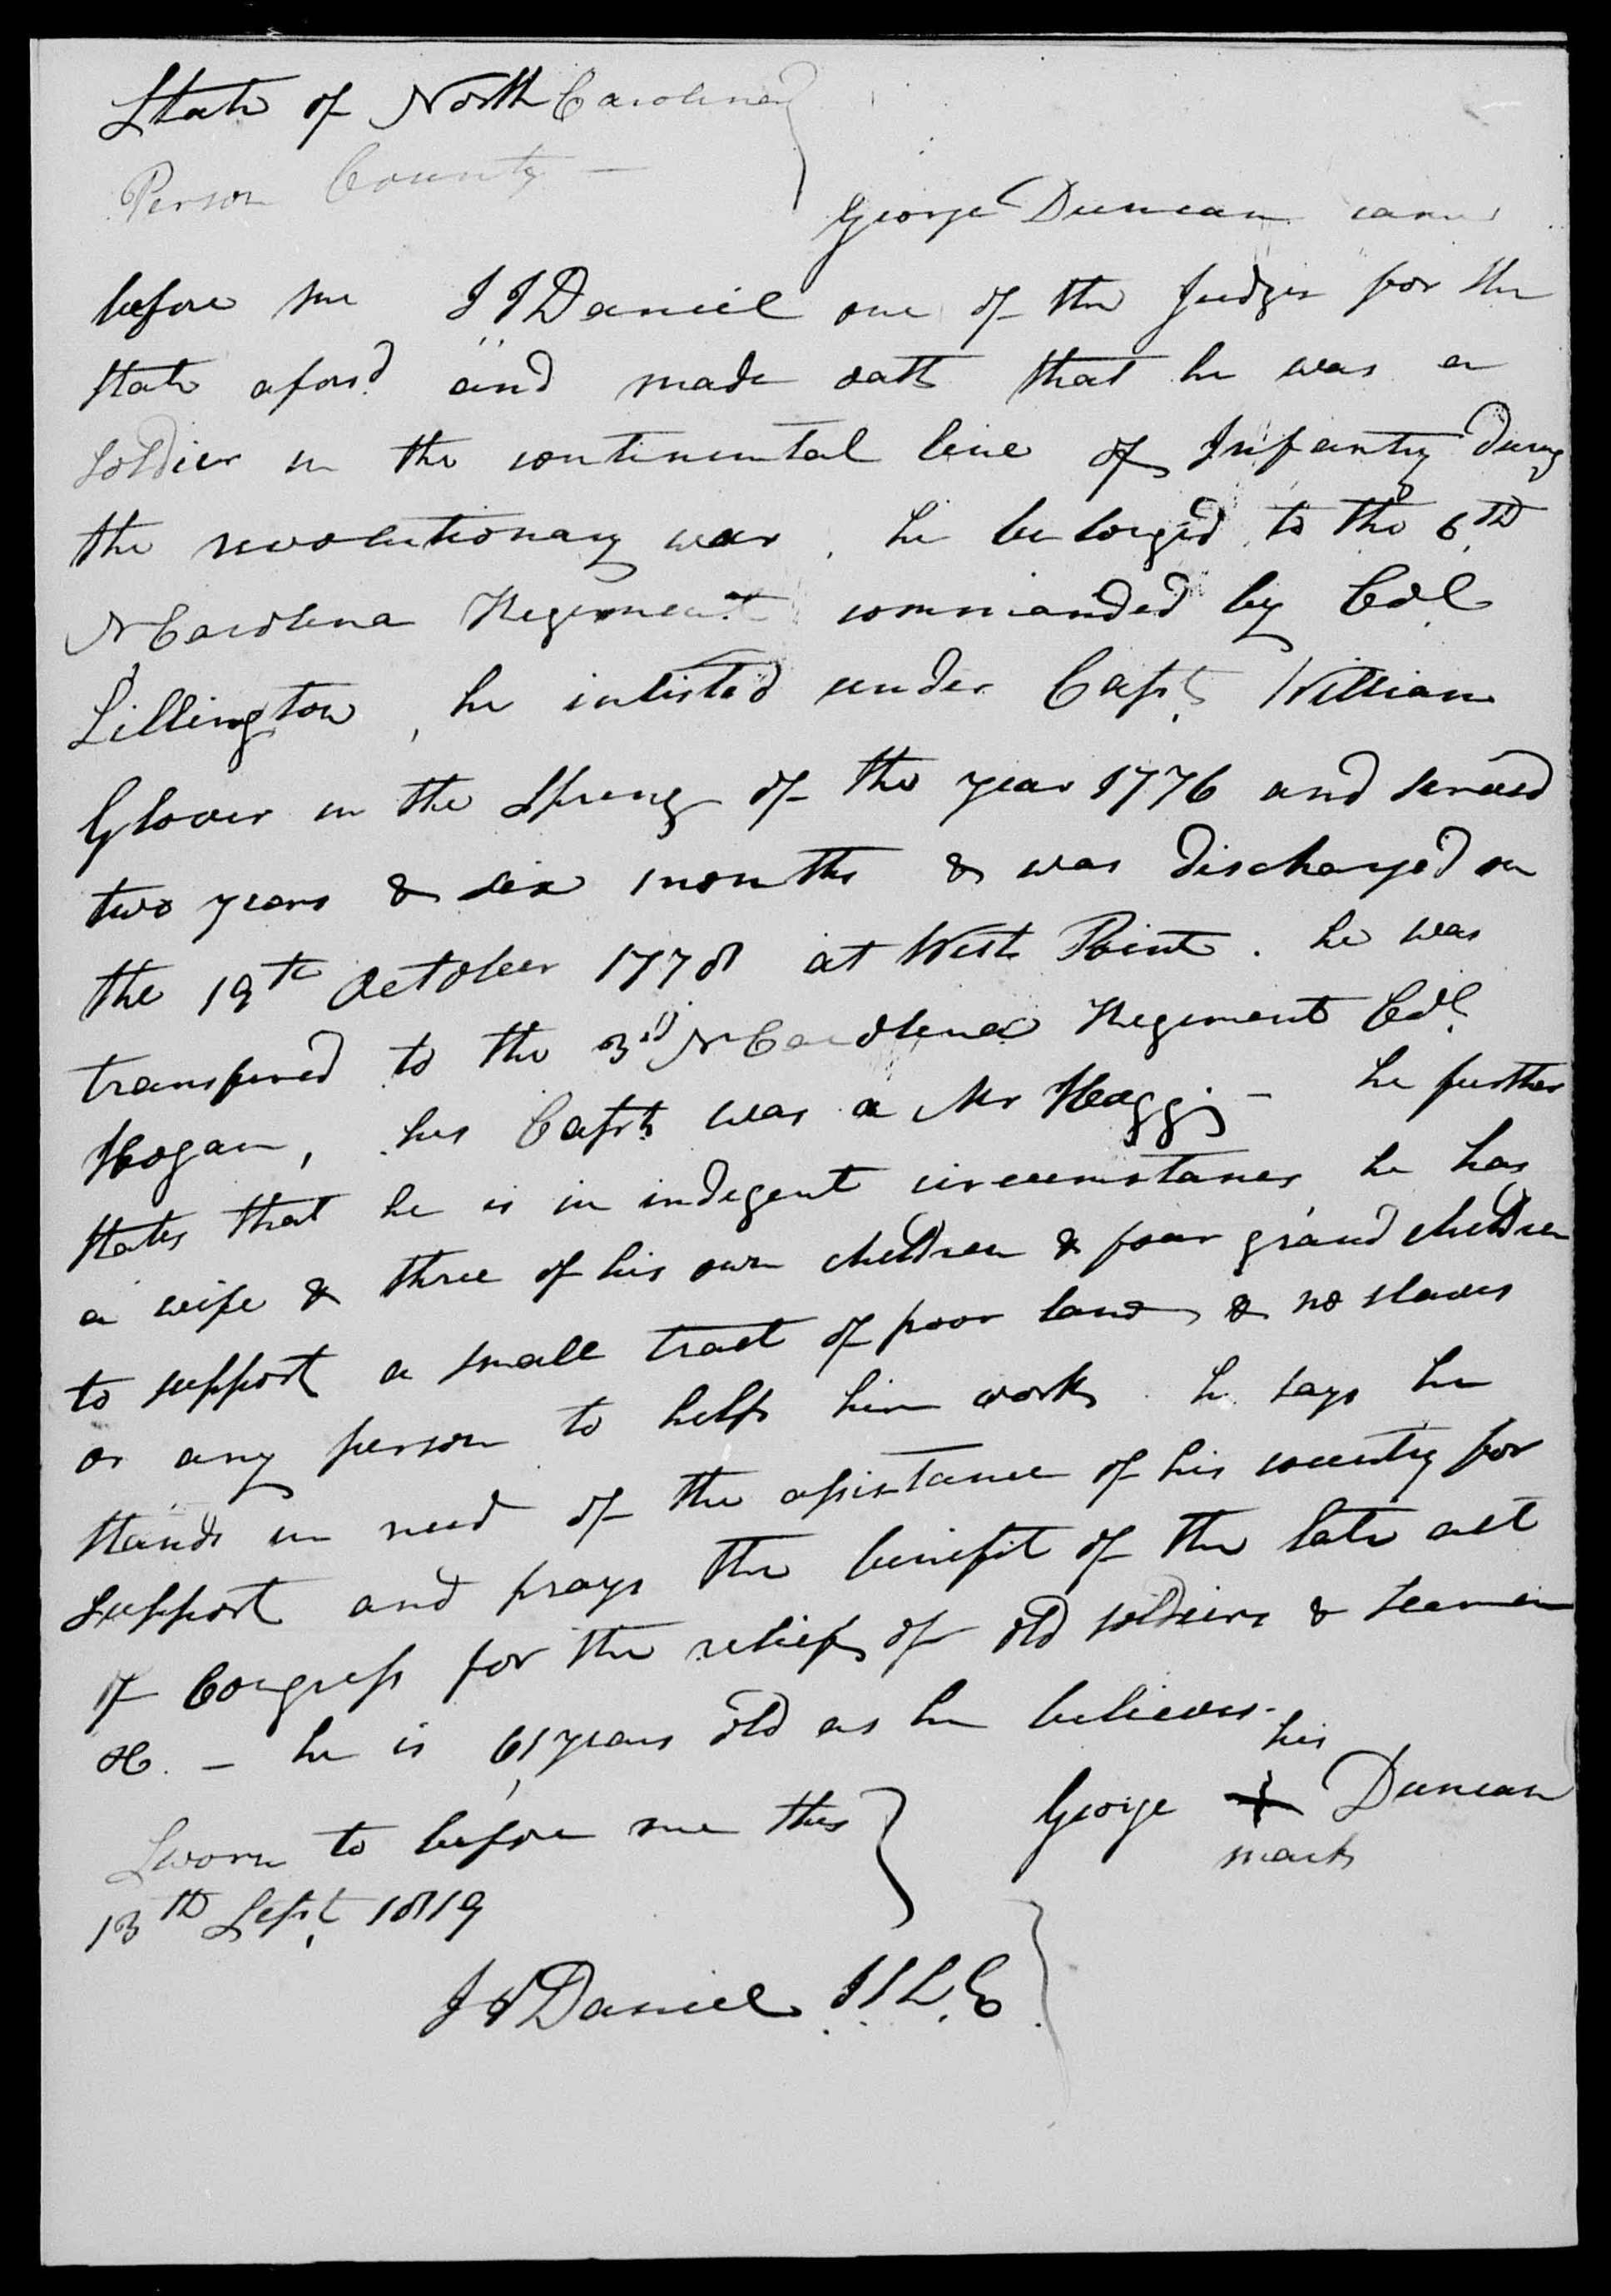State of North Carolina  }
Person County                  }

George Duncan came before me J J Daniel one of the Judges for the State Aforesd and made oath that he was a soldier in the continental line of Infantry during the revolutionary war, he belonged to the 6th N. Carolina Regiment commanded by Col. Lillington, he enlisted under Capt. William Glover in the Spring of the year 1776 and served two years & six months & was discharged on the 19th October 1778 at West Point, he was transferred to the 3rd N. Carolina Regiment Col. Hogan, his Capt. was Mr. Haggs.  he further states that he is in indigent circumstances he has a wife & three of his own children & four grand children to support a small tract of poor land & no slaves or any person to help him work, he says he stands in need of the assistance of his country for support and prays the benefit of the late act of Congress for the relief of old soldiers & (illegible).  He is 61 years old as he believes.

             his
George   X  Duncan
            mark

Sworn to before me this }
18th Sept. 1819              }  J J Daniel J J L C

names: Hogan, J J Daniel, George Duncan, George Duncan, J J Daniel, William Glover, Haggs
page: 13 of 49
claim: survivor's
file: S. 41513, George Duncan, N.C.